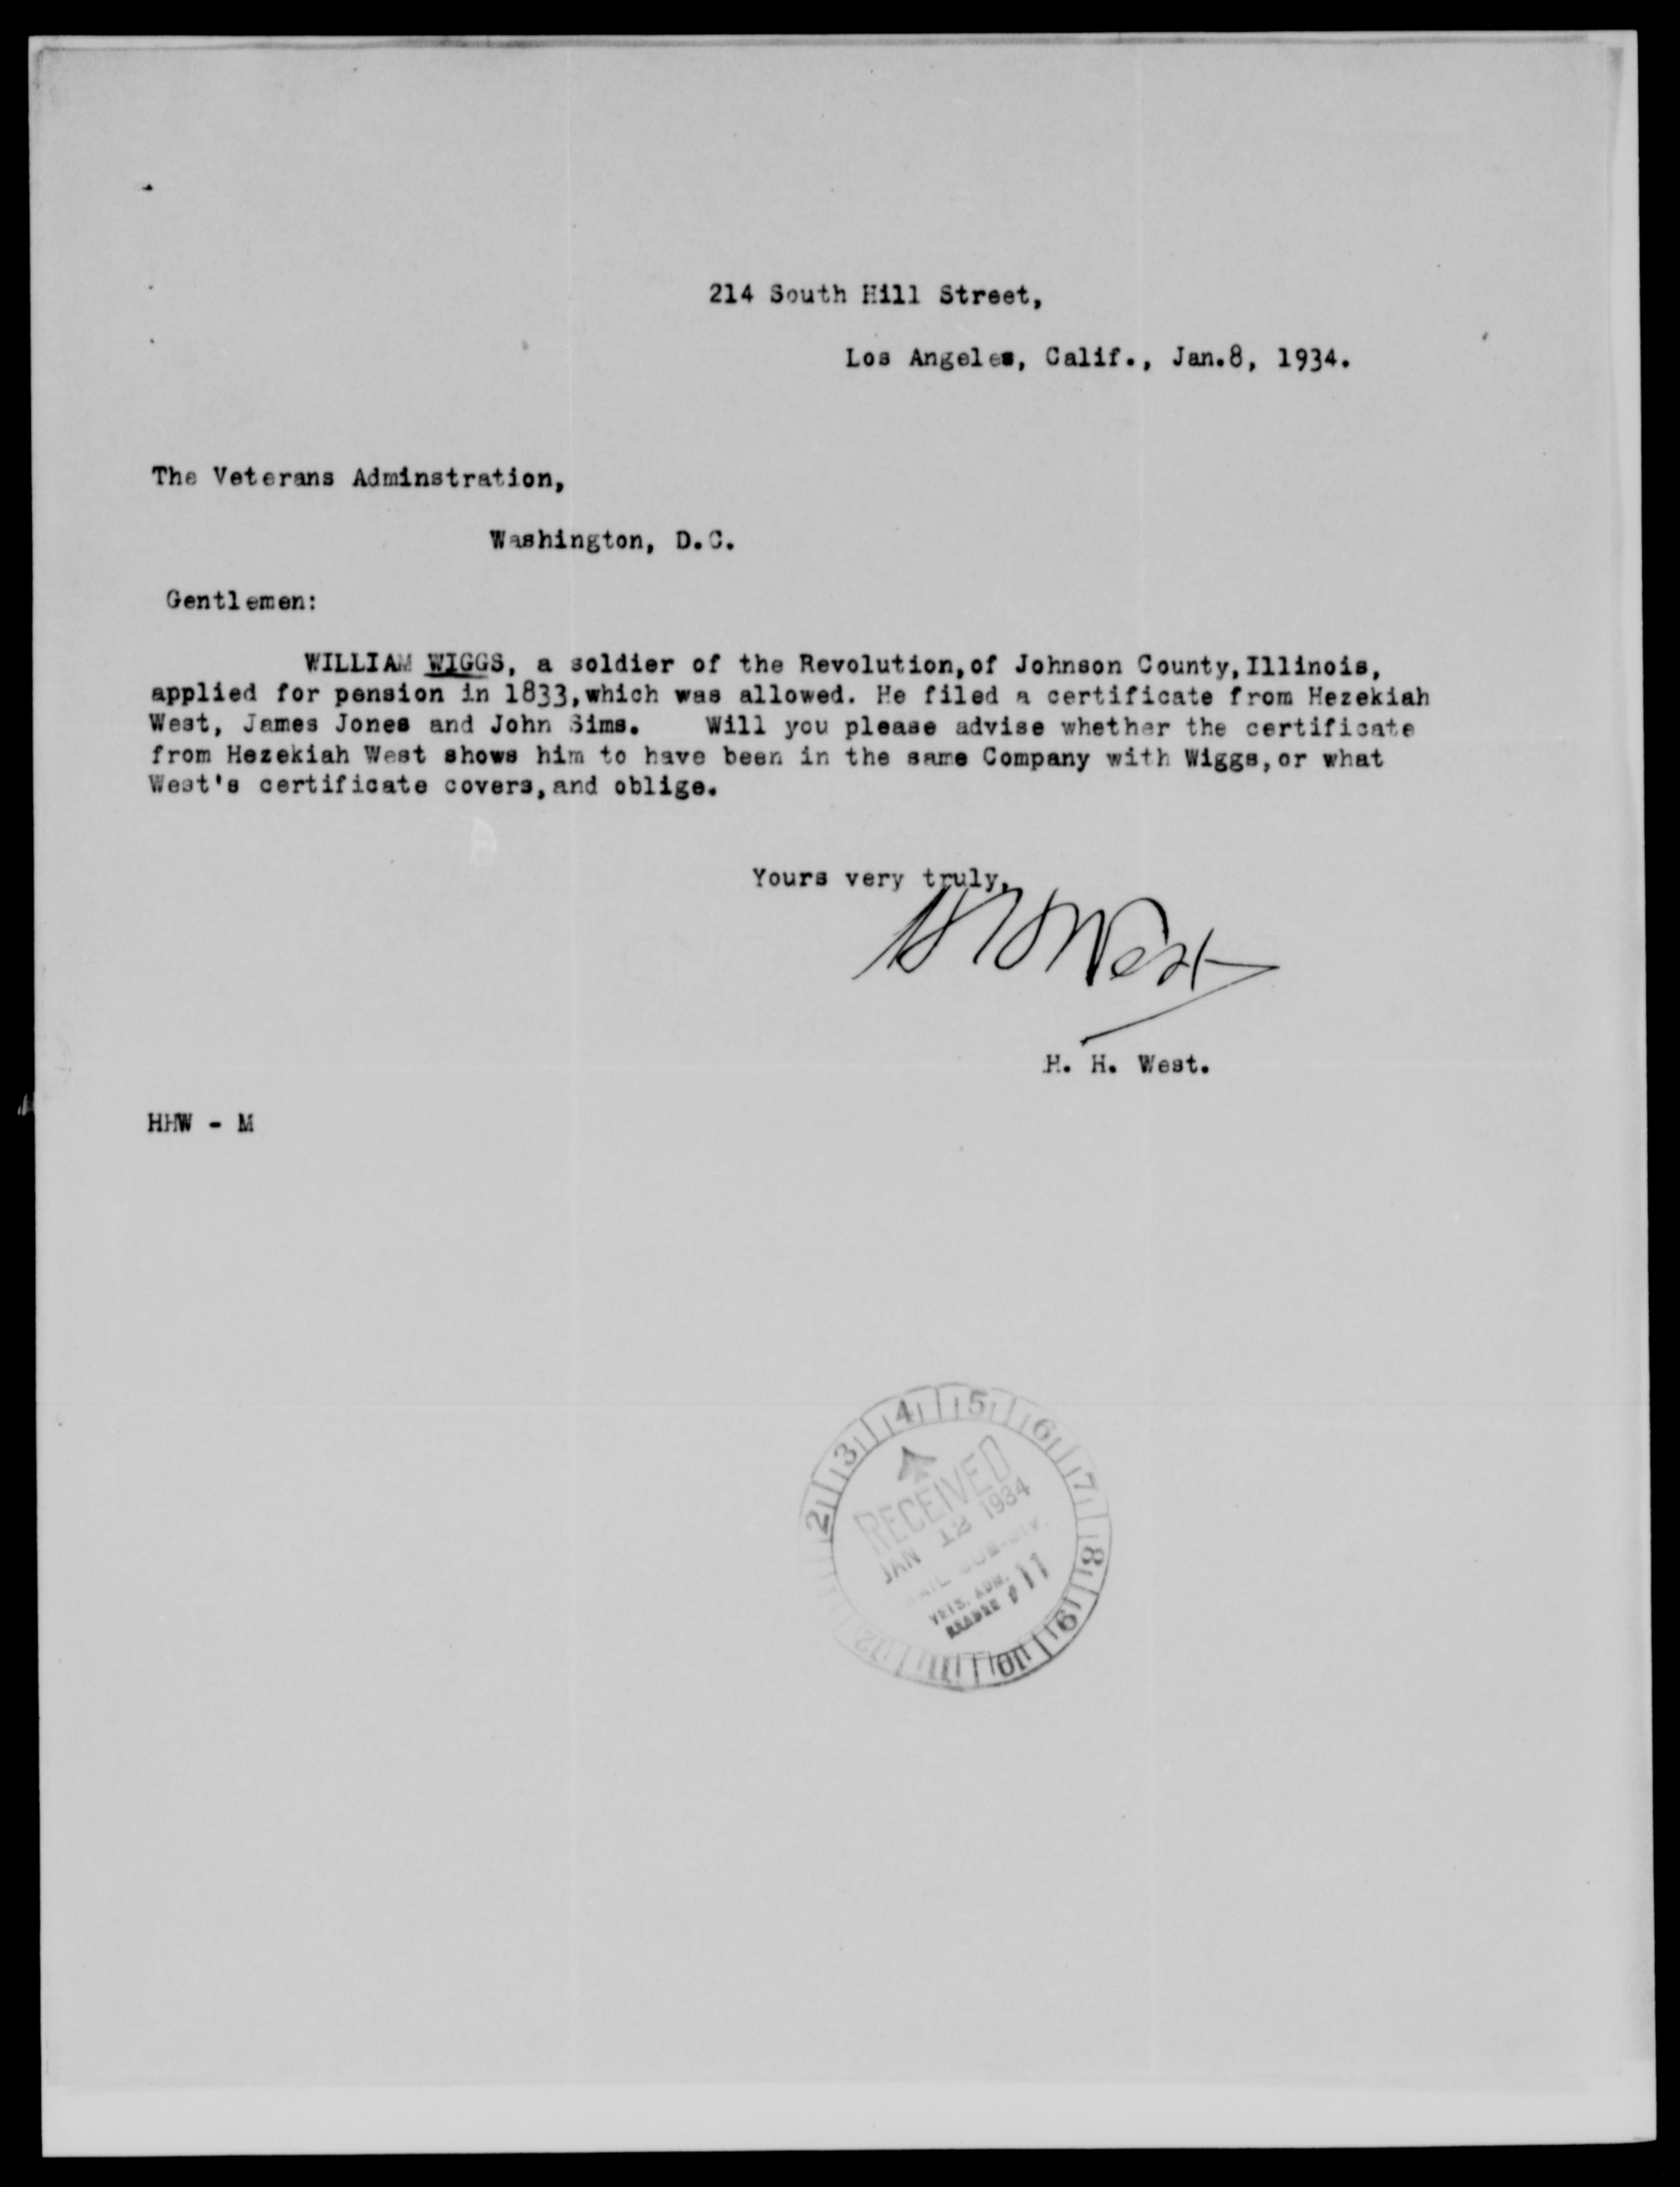214 South Hill Street,

Los Angeles, Calif., Jan. 8, 1934.

The Veterans Administration

Washington, D.C.

Gentlemen:
WILLIAM HIGGS, a soldier of the Revolution of Johnson County, Illinois, applied for pension in 1833, which was allowed. He filed a certificate from Hezekiah West, James Jones and John Sims. Will you please advise whether the certificate
from Hezekiah West shows him to have been in the same company with Wiggs, or what
West's certificate covers, and oblige.
 
Yours very truly,
         signed
H. H. West.

HHW-M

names: John Sims, Hezekiah West, H H West, James Jones, William Wiggs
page: 23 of 31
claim: survivor's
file: S. 32608, William Wiggs, N.C.